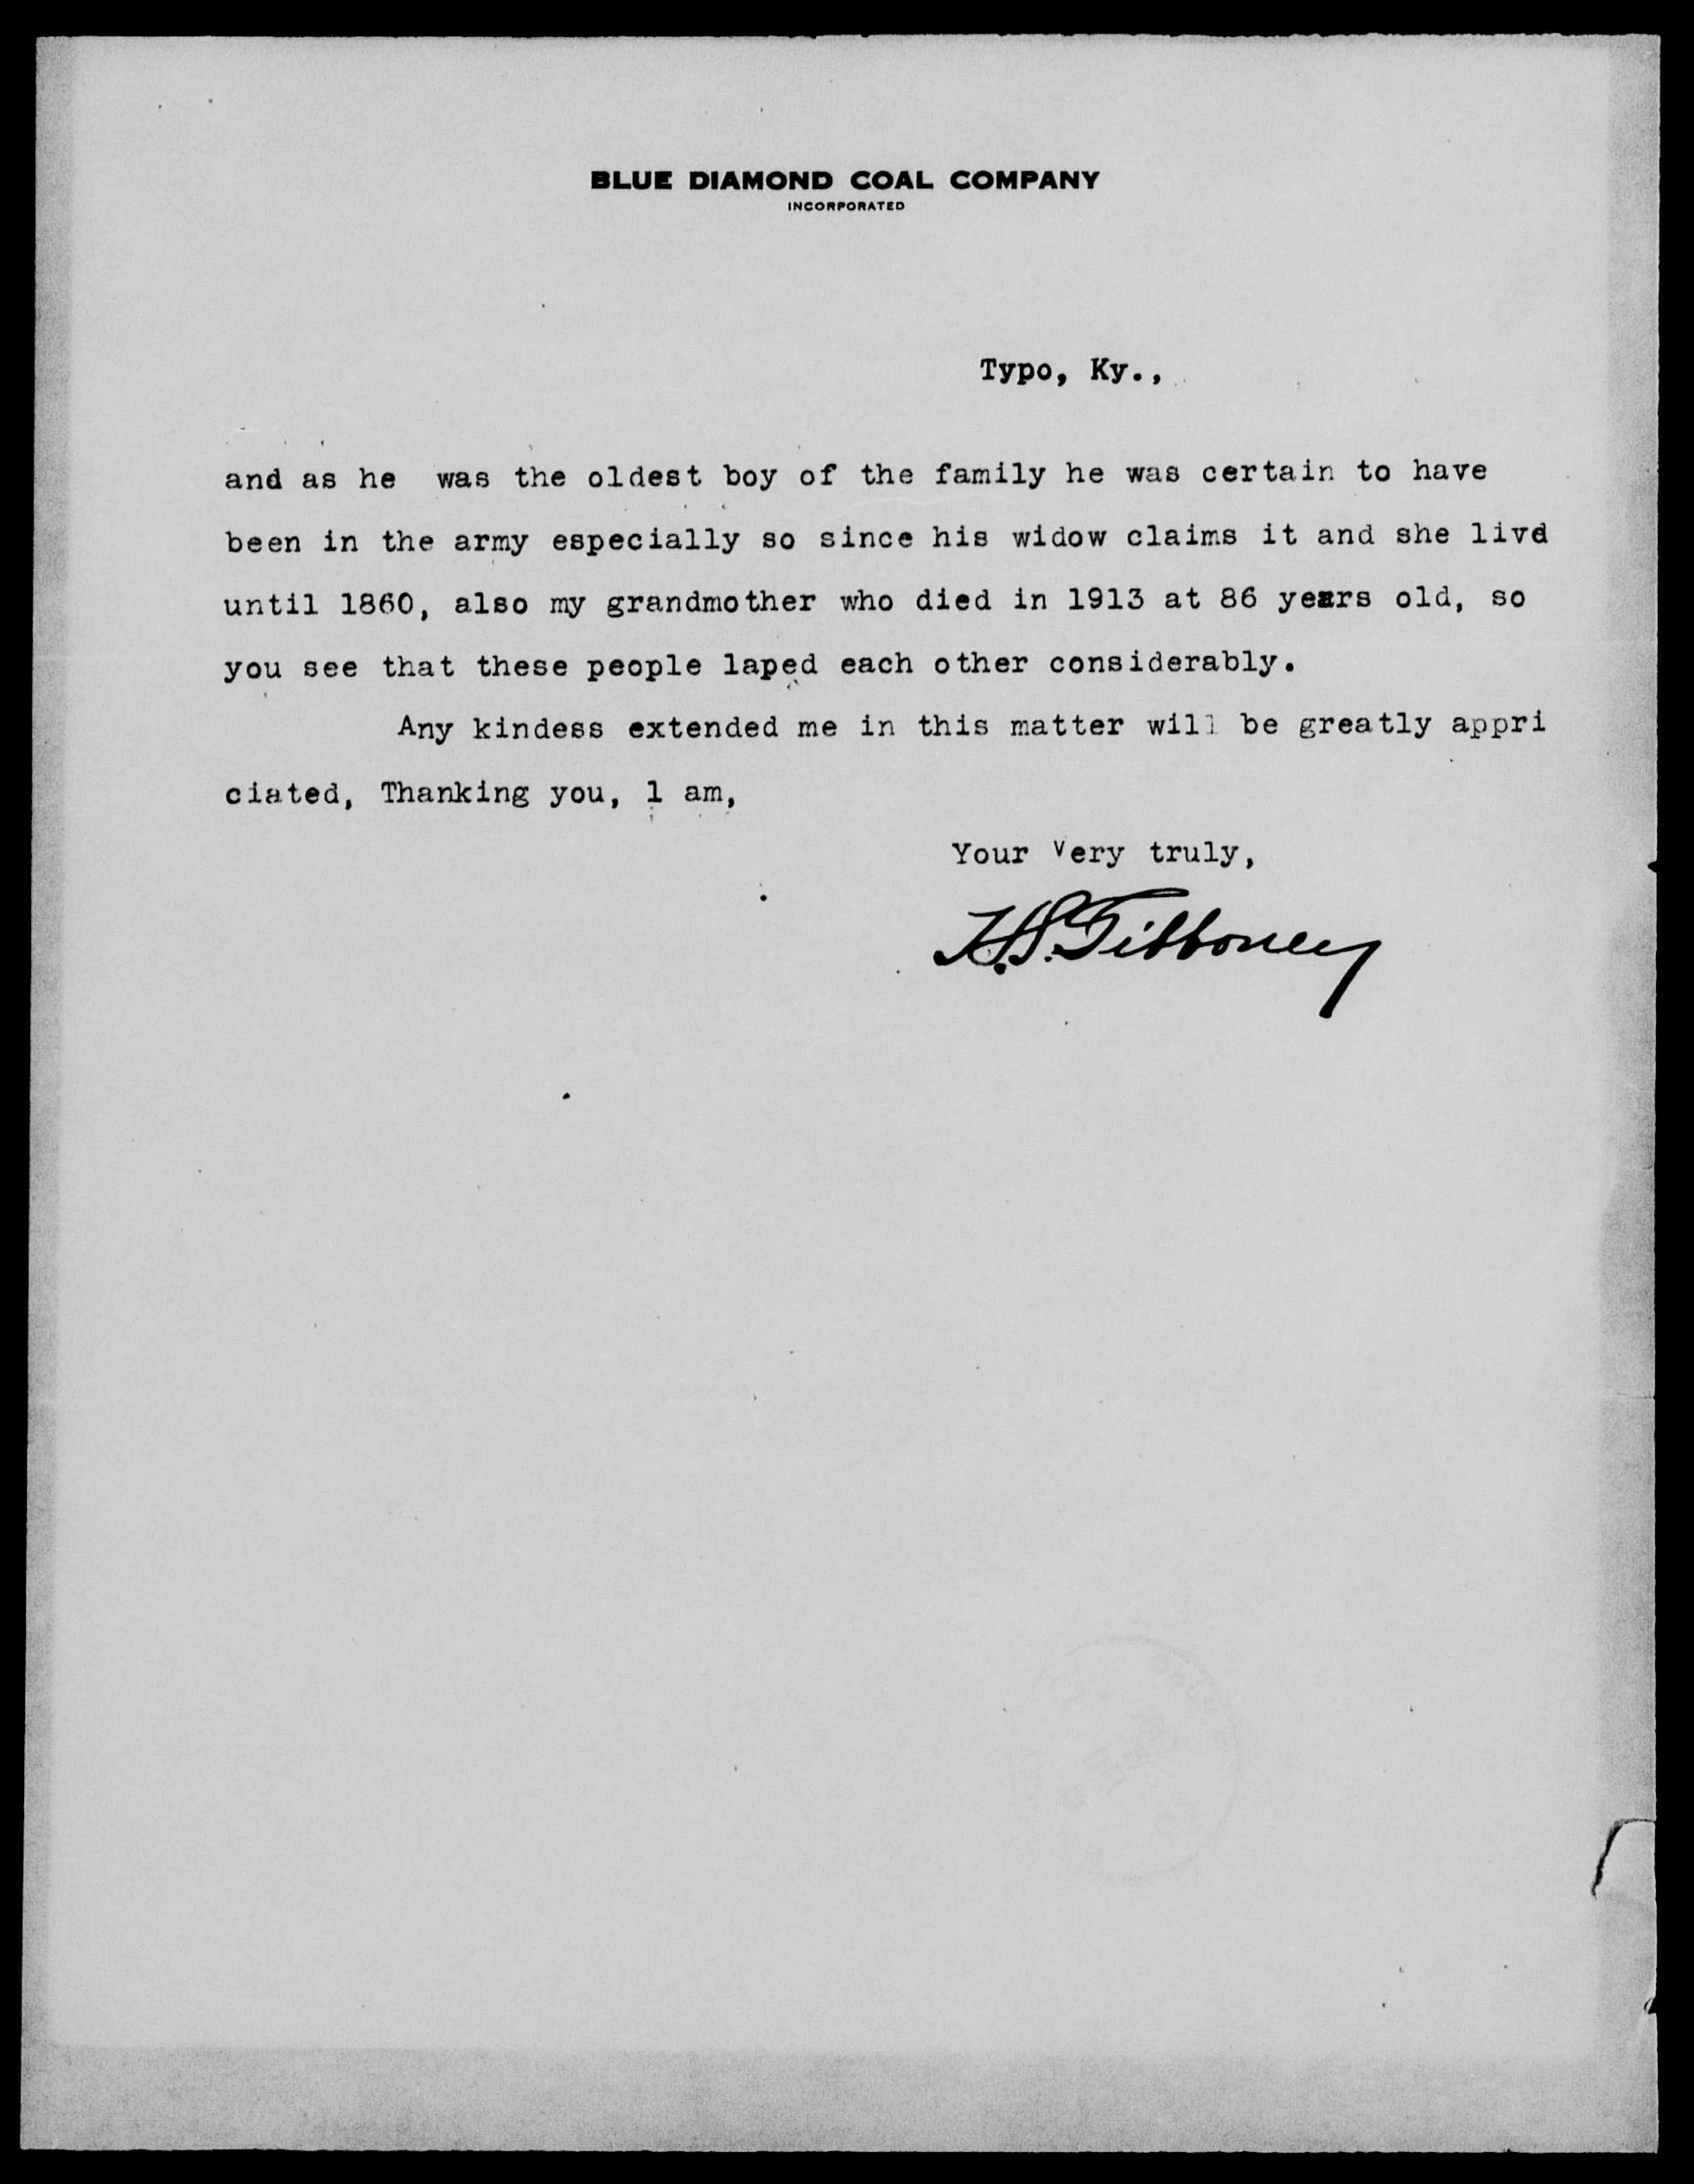BLUE DIAMOND COAL COMPANY
INCORPORATED [header, centered]

Typo, Ky., [centered right]

and as he was the oldest boy of the family he was certain to have
been in the army especially so since his widow claims it and she lived
until 1860, also my grandmother who died in 1913 at 86 years old, so
you see that these people laped each other considerably.

Any kindness extended me in this matter will be greatly appriciated, Thanking you, I am, 

Your Very truly,
H. S. Gibboney [handwritten, centered right]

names: H S Gibboney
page: 61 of 61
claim: survivor's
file: S. 8236, Daniel Cole, Va.